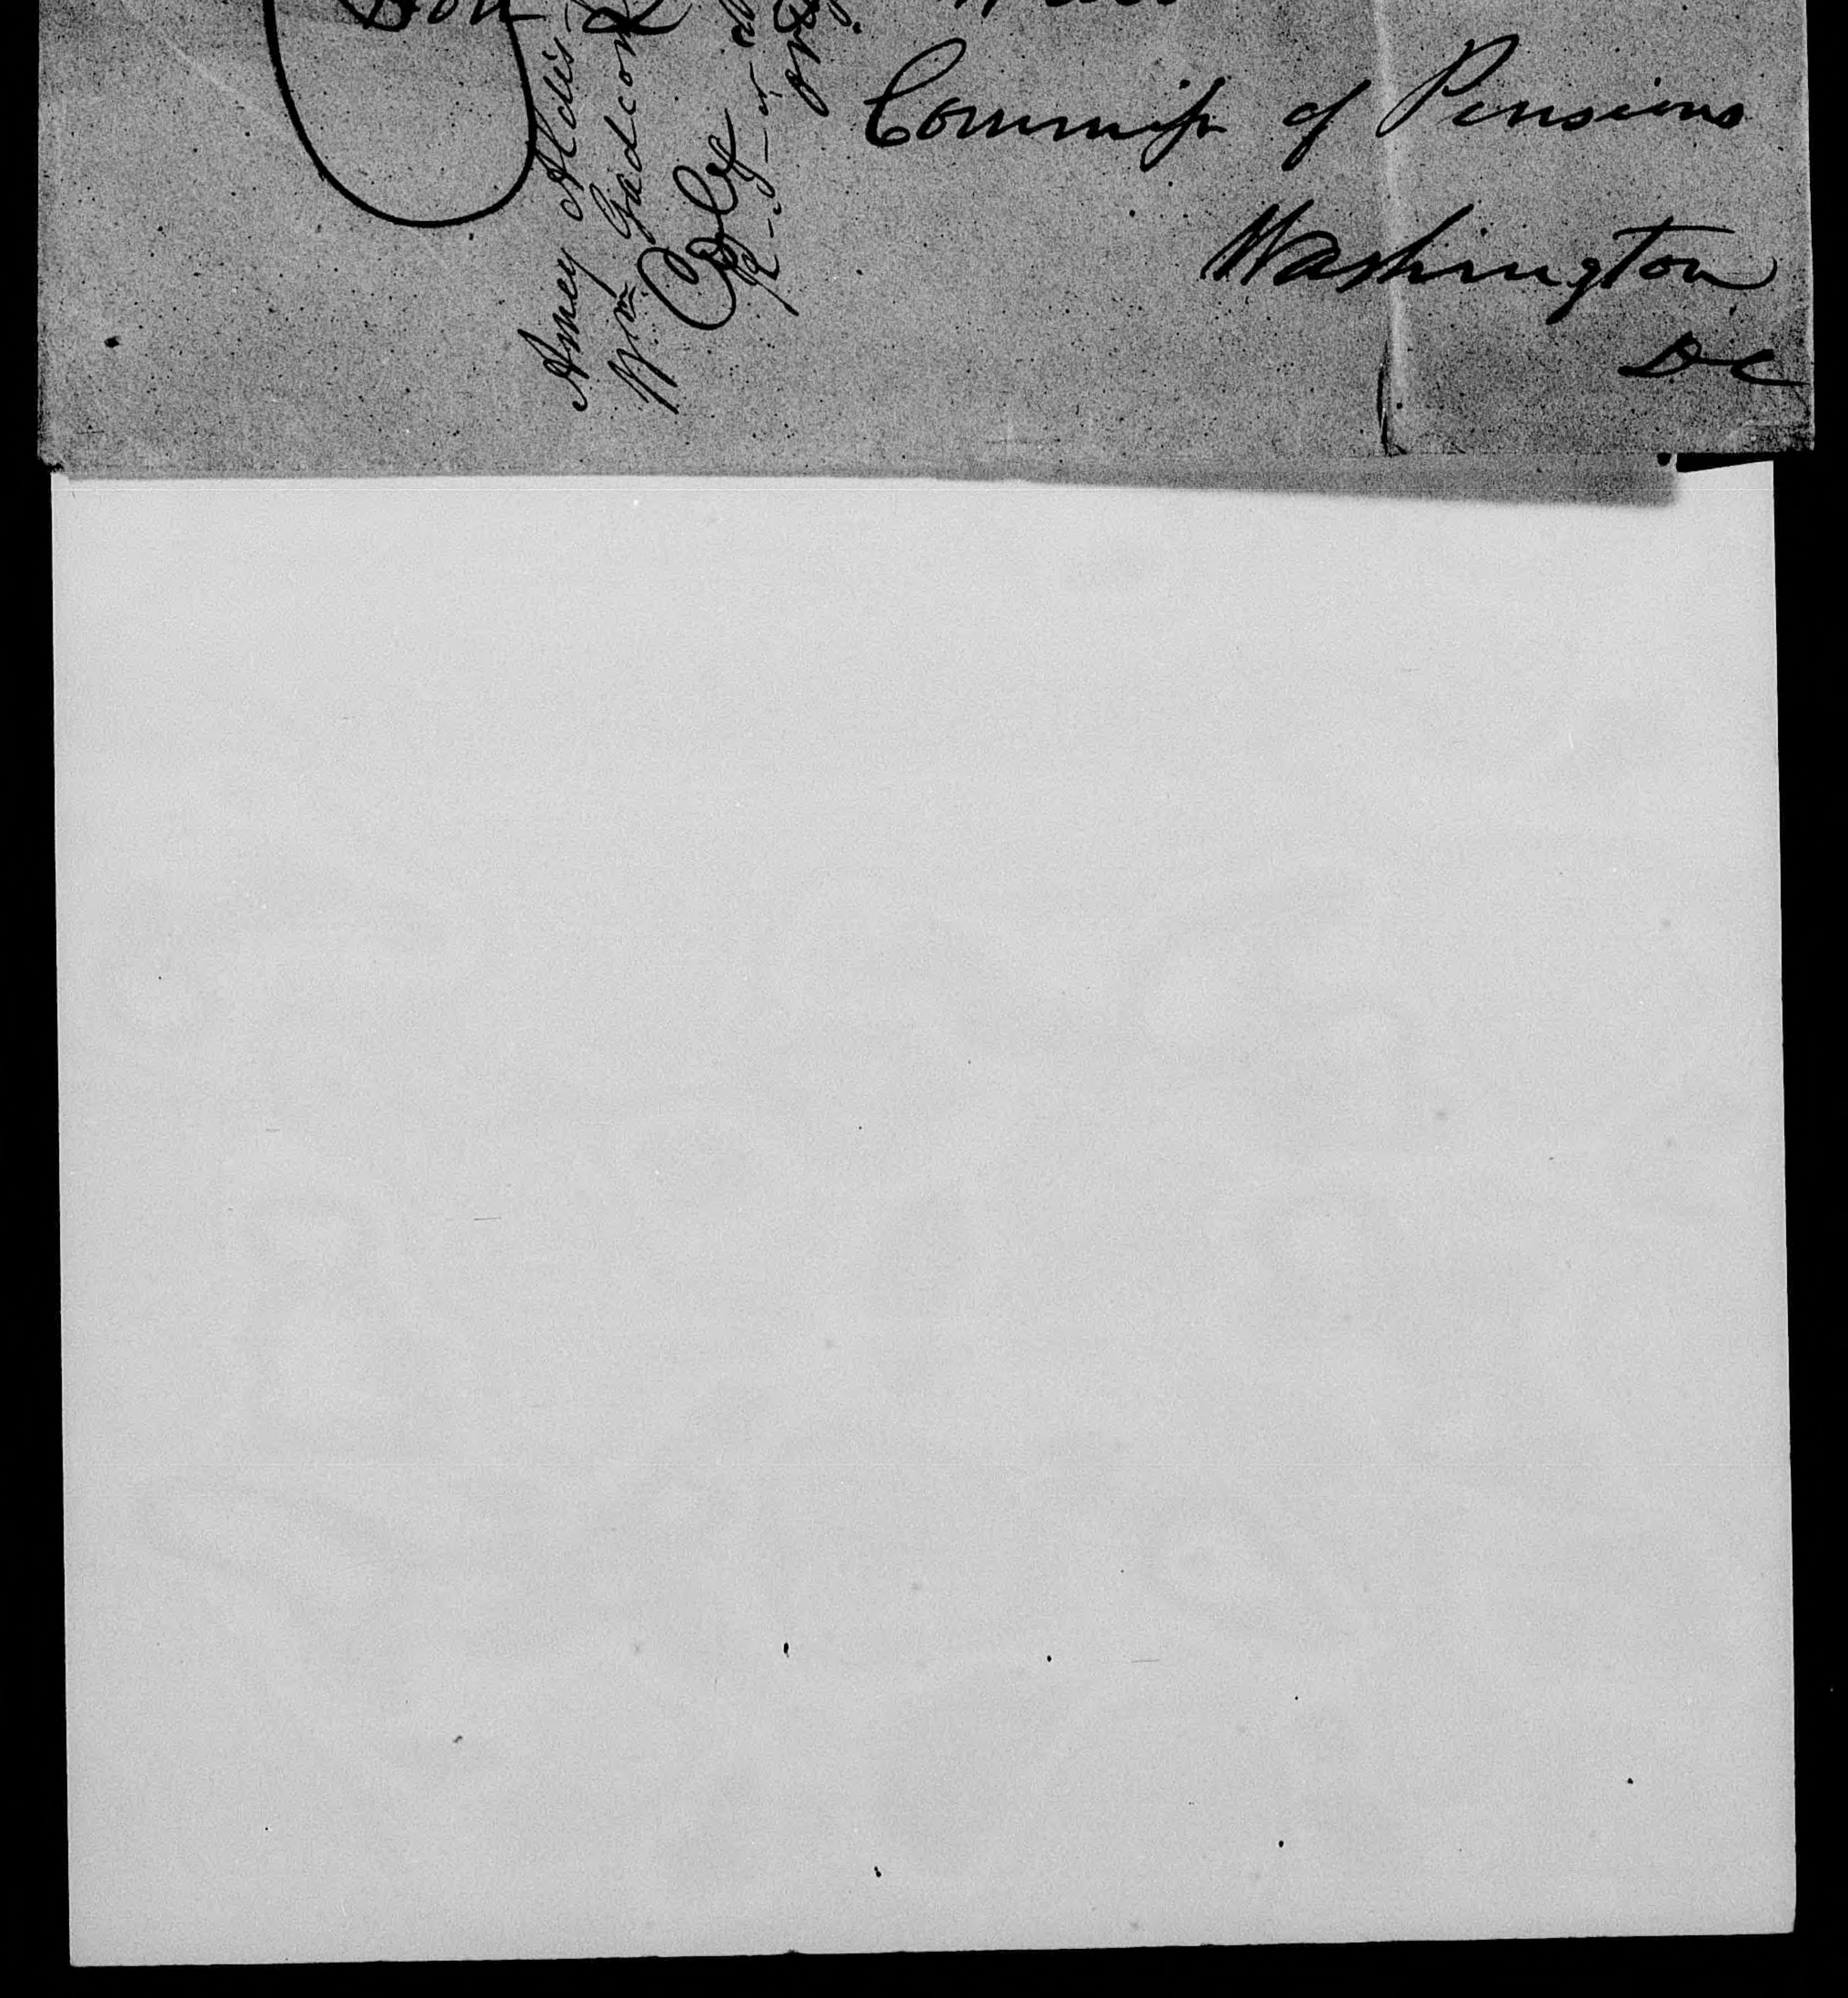Amey Aldis
Wm. Gadcomb
Cole
R - ~ - ~

Commissr of Pensions
Washington DC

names: Wm Gadcomb, Amey Aldis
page: 73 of 76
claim: widow's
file: W. 15,517, William Gadcomb, R.I.